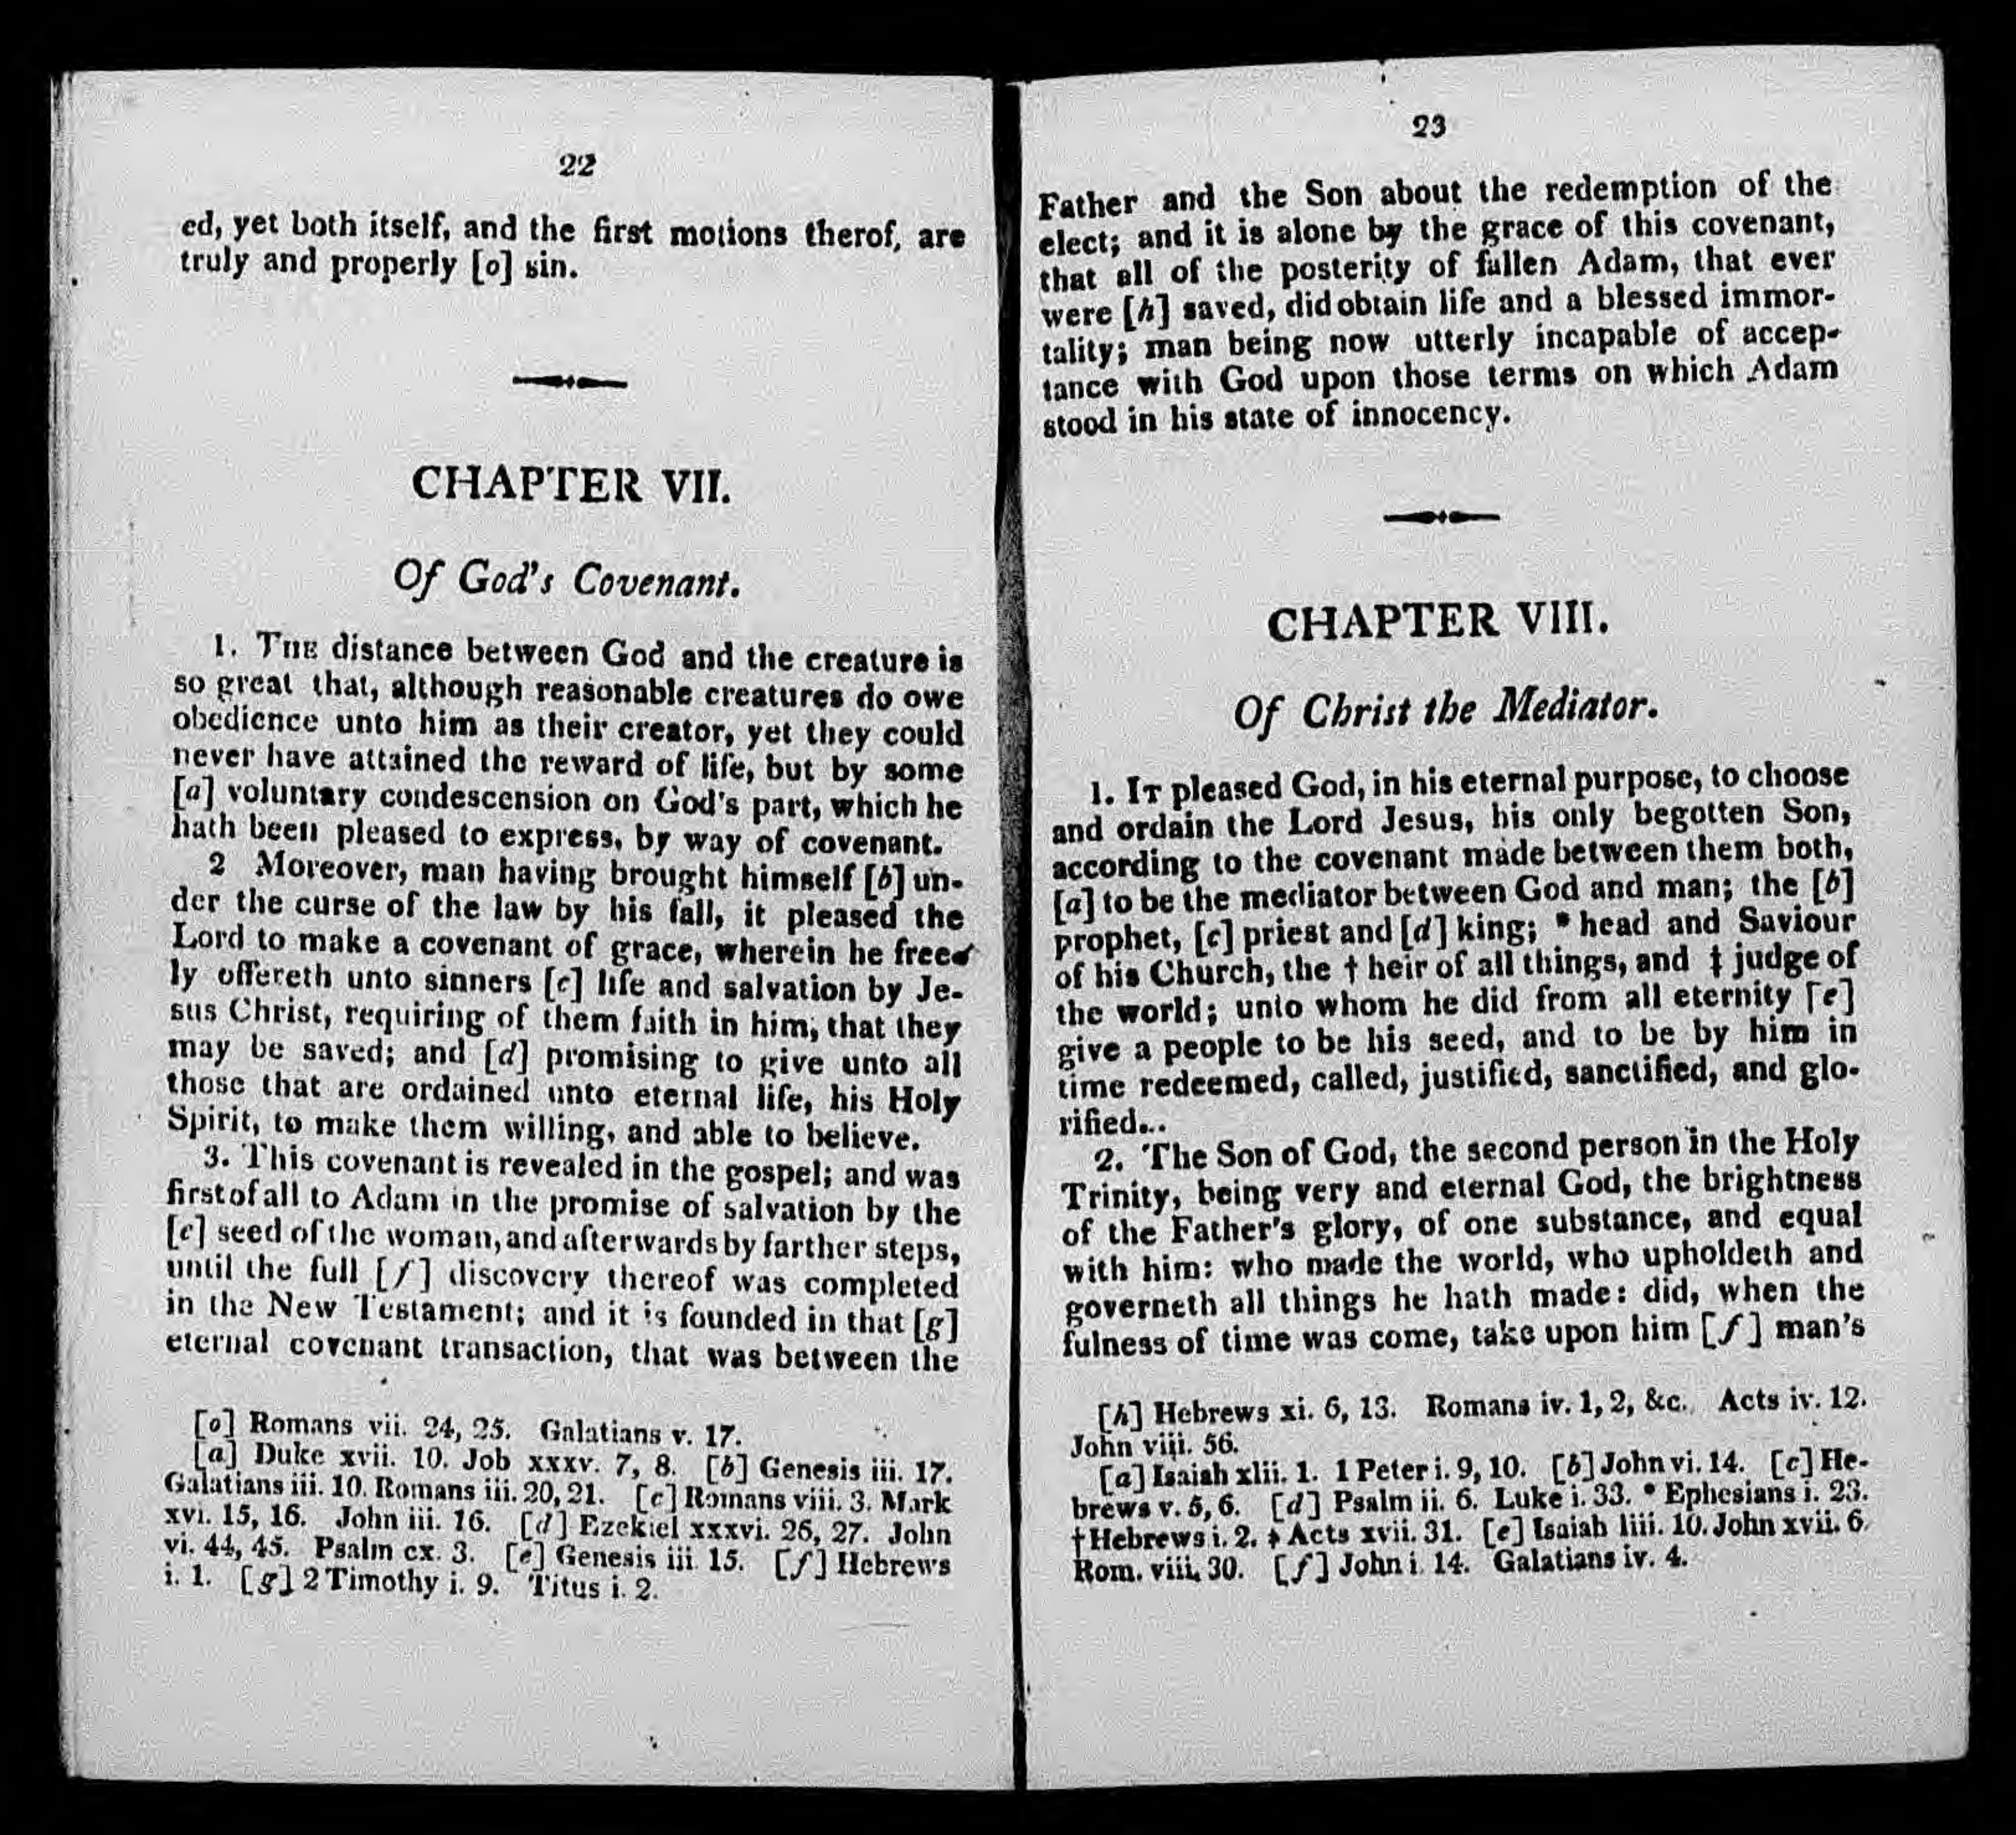22

ed, yet both itself, and the first motions therof, are truly and properly [o] sin.

CHAPTER VII.

Of God's Covenant.

1. THE distance between God and the creature is so great that, although reasonable creatures do owe obedience unto him as their creator, yet they could never have attained the reward of life, but by some [a] voluntary condescension on God's part, which he hath been pleased to express, by way of covenant.
2. Moreover, man having brought himself [b] under the curse of the law by his fall, it pleased the Lord to make a covenant of grace, wherein he freely offereth unto sinners [c] life and salvation by Jesus Christ, requiring of them faith in him, that they may be saved; and [d] promising to give unto all those that are ordained unto eternal life, his Holy Spirit, to make them willing, and able to believe.
3. This covenant is revealed in the gospel; and was first of all to Adam in the promise of salvation by the [e] seed of the woman, and afterwards by farther steps, until the full [f] discovery thereof was completed in the New Testament; and it is founded in that [g] eternal covenant transaction, that was between the

[o] Romans vii. 24, 25. Galatians v. 17.
[a] Duke xvii. 10. Job xxxv. 7, 8. [b] Genesis iii. 17. Galatians iii. 10. Romans iii. 20, 21. [c] Romans viii. 3. Mark xvi. 15, 16. John iii. 16. [d] Ezekiel xxxvi. 26, 27. John vi. 44,45. Psalm cx. 3. [e] Genesis iii. 15. [f] Hebrews i. 1. [g] 2 Timothy i. 9. Titus i. 2.

23

Father and the son about the redemption of the elect; and it is alone by the grace of this covenant, that all of the posterity of fallen Adam, that ever were [h] saved, did obtain life and a blessed immortality; man being now utterly incapable of acceptance with God upon those terms on which Adam stood in his state of innocency.

CHAPTER VIII.

Of Christ the Mediator.

1. IT pleased God, in his eternal purpose, to choose and ordain the Lord Jesus, his only begotten Son, according to the covenant made between them both, [a] to be the mediator between God and man; the [b] prophet, [c] priest and [d] king; *head and Saviour of his Church, the [cross symbol] heir of all things, and [cross with bar at bottom symbol] judge of the world; unto whom he did from all eternity [e] give a people to be his seed, and to be by him in time redeemed, called, justified, sanctified, and glorified.
2. The Son of God, the second person in the Holy Trinity, being very and eternal God, the brightness of the Father's glory, of one substance, and equal with him: who made the world, who upholdeth and governeth all things he hath made: did, when the fulness of time was come, take upon him [f] man's

[h] Hebrews xi. 6, 13. Romans iv. 1, 2, &c. Acts iv. 12. John viii. 56.
[a] Isaish xlii. 1. 1 Peter i. 9, 10. [b] John vi. 14 [c] Hebrews v. 5, 6. [d] Psalm ii. 6. Luke i. 33. *Ephesians i. 23. [cross symbol] Hebrews i. 2. [cross with bar at bottom symbol] Acts xvii. 31. [e] Isaiah liii. 10. John xvii. 6. Rom. viii. 30. [f] John i. 14. Galatians iv.4.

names: Timothy, John, Adam, John, Mark, Isaiah, Isaiah, Adam, Titus, Adam, Ezekiel, John, John, Job, John, John, Duke, Luke, Peter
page: 23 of 98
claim: widow's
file: W. 8398, William Broadway, S.C.